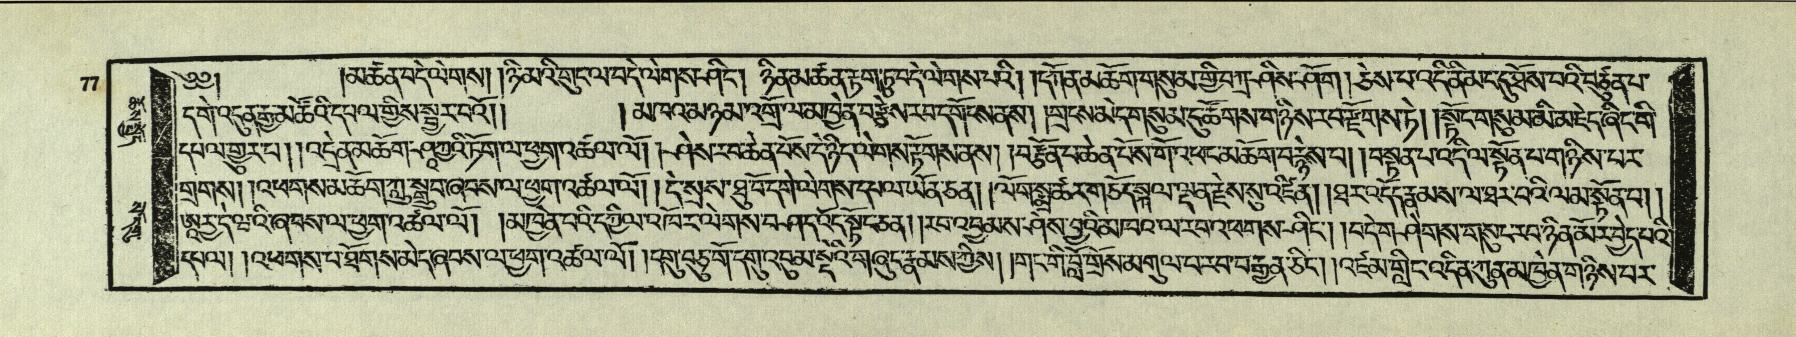༄༅། །མཚན་བདེ་ལེགས། །ཉི་མའི་གུང་ལ་བདེ་ལེགས་ཤིང་། ཉིན་མཚན་རྟག་ཏུ་བདེ་ལེགས་པའི། །དཀོན་མཆོག་གསུམ་གྱི་བཀྲ་ཤིས་ཤོག། ཅེས་པ་འདི་ནི་མང་དུ་ཐོས་པའི་བཙུན་པ་
དགེ་འདུན་རྒྱ་མཚོའི་དཔལ་གྱིས་སྦྱར་བའོ།། །མཁའ་མཉམ་འགྲོ་ལ་མཁྱེན་བརྩེས་རབ་དགོངས་ནས། །གྲངས་མེད་གསུམ་དུ་ཚོགས་གཉིས་རབ་རྫོགས་ཏེ། །སྟོང་གསུམ་མི་མཇེད་ཞིང་གི་
དཔལ་གྱུར་པ། །འདྲེན་མཆོག་ཤཱཀྱའི་ཏོག་ལ་ཕྱག་འཚལ་ལོ། །ཤེས་རབ་ཆེན་པོས་དེ་ཉིད་ལེགས་རྟོགས་ནས། །བརྩོན་པ་ཆེན་པོས་གོ་འཕང་མཆོག་བརྙེས་པ། །བསྟན་པ་འདི་ལ་སྟོན་པ་གཉིས་པར་
གྲགས། །འཕགས་མཆོག་ཀླུ་སྒྲུབ་ཞབས་ལ་ཕྱག་འཚལ་ལོ། །དེ་སྲས་ཐུ་བོ་དགེ་ལེགས་དཔལ་ཡོན་ཅན། །ལོག་སྨྲ་ཚར་གཅོད་སྐལ་ལྡན་རྗེས་སུ་འཛིན། །ཐར་འདོད་རྣམས་ལ་ཐར་བའི་ལམ་སྟོན་པ། །
ཨཱརྱ་དེ་ཝའི་ཞབས་ལ་ཕྱག་འཚལ་ལོ། །མཁྱེན་པའི་དཀྱིལ་འཁོར་ལེགས་བཤད་འོད་སྟོང་ཅན། །རབ་འབྱམས་ཤེས་བྱའི་མཁའ་ལ་རབ་འཕགས་ཤིང་། །བདེ་གཤེགས་གསུང་རབ་ཉིན་མོར་བྱེད་པའི་
དཔལ། །འཕགས་པ་ཐོག་མེད་ཞབས་ལ་ཕྱག་འཚལ་ལོ། །དགུ་བཅུ་གོ་དགུ་འབུམ་སྡེའི་གཞུང་རྣམས་ཀྱིས། །གང་གི་བློ་གྲོས་མགུལ་པ་རབ་བརྒྱན་ཅིང་། །འཛམ་གླིང་འདི་ན་ཀུན་མཁྱེན་གཉིས་པར་